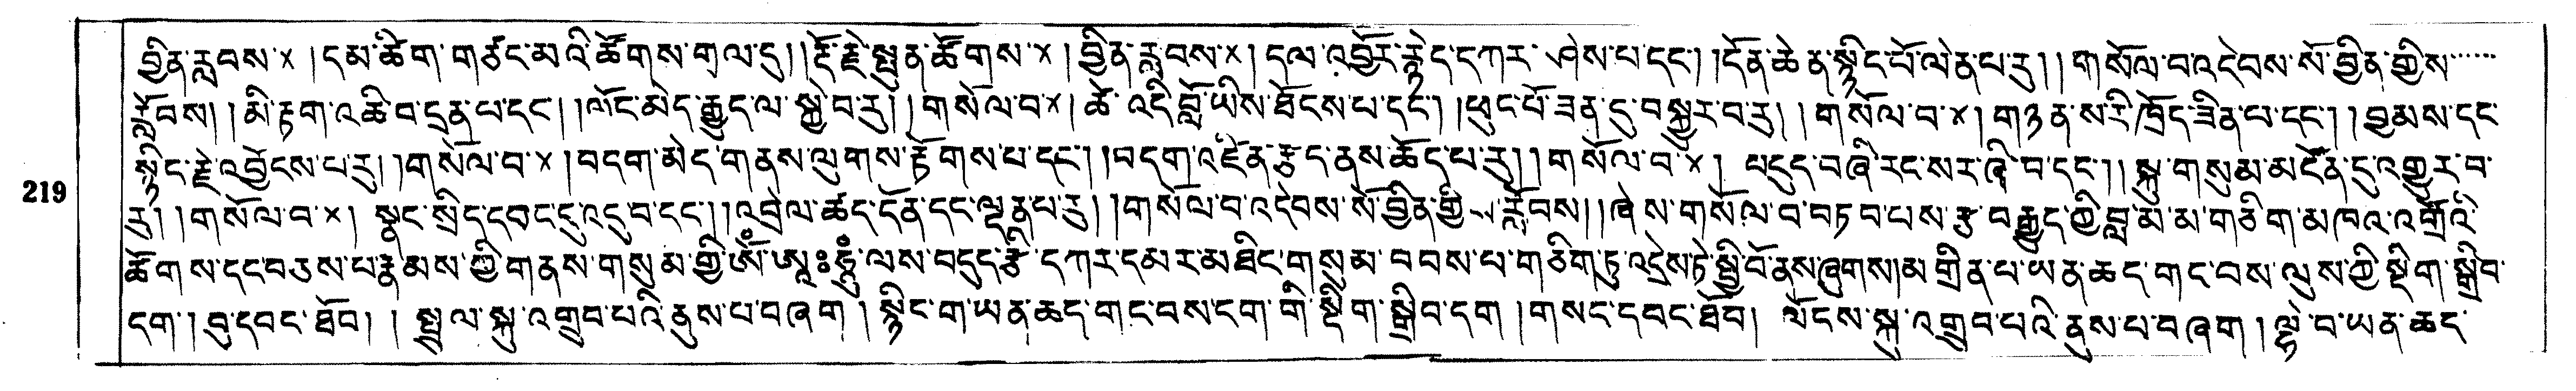བྱིན་རླབས་྾། དམ་ཚིག་གཙང་མའི་ཚོགས་གལ་དུ། །རྡོ་རྗེ་སྤུན་ཚོགས་྾། བྱིན་རླབས་྾། དལ་འབྱོར་རྙེད་དཀར་ཤེས་པ་དང་། །དོན་ཆེན་སྙིང་པོ་ལེན་པ་རུ། །གསོལ་བ་འདེབས་སོ་བྱིན་གྱིས་
རློབས། །མི་རྟག་འཚི་བ་དྲན་པ་དང་། །ལོང་མེད་རྒྱུད་ལ་སྐྱེ་བ་རུ། །གསོལ་བ་྾། ཚེ་འདི་བློ་ཡིས་ཐོངས་པ་དང་། །ཕུང་པོ་ཟན་དུ་བསྐྱུར་བ་རུ། །གསོལ་྾། གཉན་ས་རི་ཁྲོད་ཟིན་པ་དང་། །བྱམས་དང་
སྙིང་རྗེ་འབྱོངས་པ་རུ། །གསོལ་བ་྾། བདག་མེད་གནས་ལུགས་རྟོགས་པ་དང་། །བདག་འཛིན་རྩད་ནས་ཆོད་པ་རུ། །གསོལ་བ་྾། བདུད་བཞི་རང་སར་ཞི་བ་དང་། །སྐུ་གསུམ་མངོན་དུ་འགྱུར་བ་
རུ། །གསོལ་བ་྾། སྣང་སྲིད་དབང་དུ་འདུ་བ་དང་། །འབྲེལ་ཚད་དོན་དང་ལྡན་པ་རུ། །གསོལ་བ་འདེབས་སོ་བྱིན་གྱིས་རློབས། །ཞེས་གསོལ་བ་བཏབ་པས་རྩ་བརྒྱུད་ཀྱི་བླ་མ་མ་གཅིག་མཁའ་འགྲོའི་
ཚོགས་དང་བཅས་པ་རྣམས་ཀྱི་གནས་གསུམ་གྱི་ཨོཾ་ཨཱཿ ཧཱུཾ་ལས་བདུད་རྩི་དཀར་དམར་མཐིང་གསུམ་བབས་པ་གཅིག་ཏུ་འདྲེས་ཏེ་སྤྱི་བོ་ནས་ཞུགས། མགྲིན་པ་ཡན་ཆད་གང་བས་ལུས་ཀྱི་སྡིག་སྒྲིབ་
དག །བུ་དབང་ཐོབ། །སྤྲུལ་སྐུ་འགྲུབ་པའི་ནུས་པ་བཞག །སྙིང་ག་ཡན་ཆད་གང་བས་ངག་གི་སྡིག་སྒྲིབ་དག །གསང་དབང་ཐོབ། ལོངས་སྐུ་འགྲུབ་པའི་ནུས་པ་བཞག །ལྷེ་བ་ཡན་ཆད་